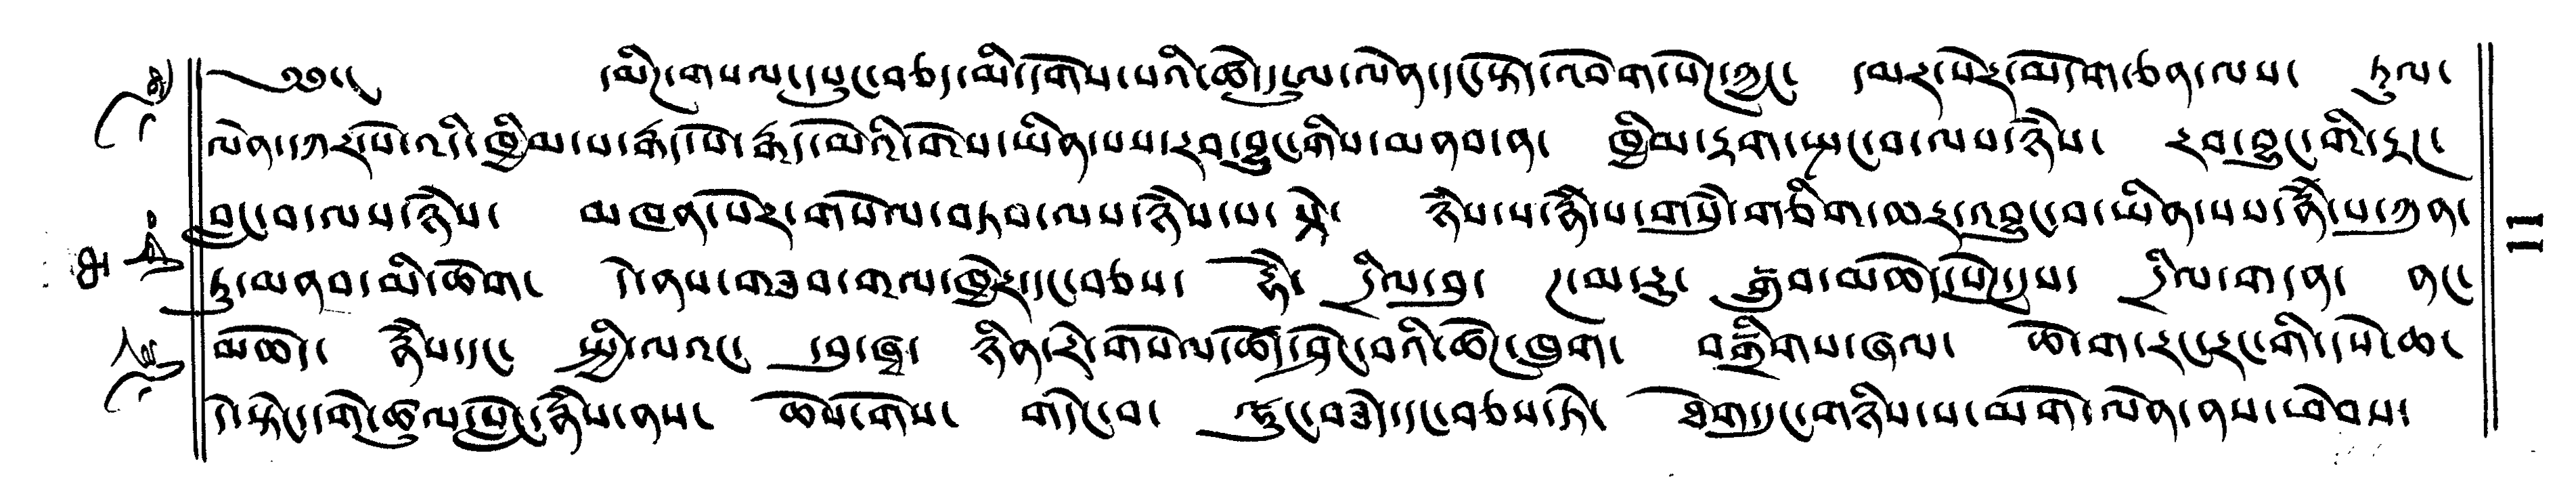དམིགས་གསལ་དཔུང་བཅད་མི་དགོས་པའི་ཚེ་རྔུལ་ལེན་དང་སྟོད་འབོག་སོགས་ཀྱང་དམར་སེར་མདོག་ཅན་ལས། རྔུལ་
ལེན་དཀར་པོ་འདི་ཁྱིམ་པ་རྒད་པོ་རྒད་མོའི་གོས་ཡིན་པས་རབ་བྱུང་གིས་མནབ་ན། ཁྱིམ་རྟགས་སྤངས་བ་ལས་ཉམས། རབ་བྱུང་གི་རྟགས་
བླངས་བ་ལས་ཉམས། མཁན་པོར་གསོལ་བཏབ་ལས་ཉམས་པ་སྟེ། ཉམས་པ་རྣམ་པ་གསུམ་གཅིག་ཆར་འབྱུང་བ་ཡིན་པས་རྣམ་པ་ཀུན་
ཏུ་མནབ་མི་ཆོག དེ་ནས་གཟན་གལ་ཁྱེར་དང་བཅས། རྡོ་རྗེ། དྲིལ་བུ། ཌཱ་མ་རུ། སྒྲུབ་མཆོད་སོགས་དུས། དྲིལ་གདན། ནང་
མཆོད་ རྣམས་དང་། སྤྱི་ལའང་། དབུ་ཞྭ། ཉིན་རེ་གསོལ་ཚོད་ཤོང་བའི་ཚོགས་ཁུག སྒྲིགས་ཞལ། ཆོ་ག་རང་རང་གི་དཔེ་ཆ། 
དེ་སྟེང་དགེ་ཚུལ་སློང་རྣམས་ནས། ཆོས་གོས། གདིང་བ། ལྷུང་བཟེད་དང་བཅས་ཏེ། ཐོག་དུང་གཉིས་པ་འགོ་ལེན་ནས་ཕེབས།